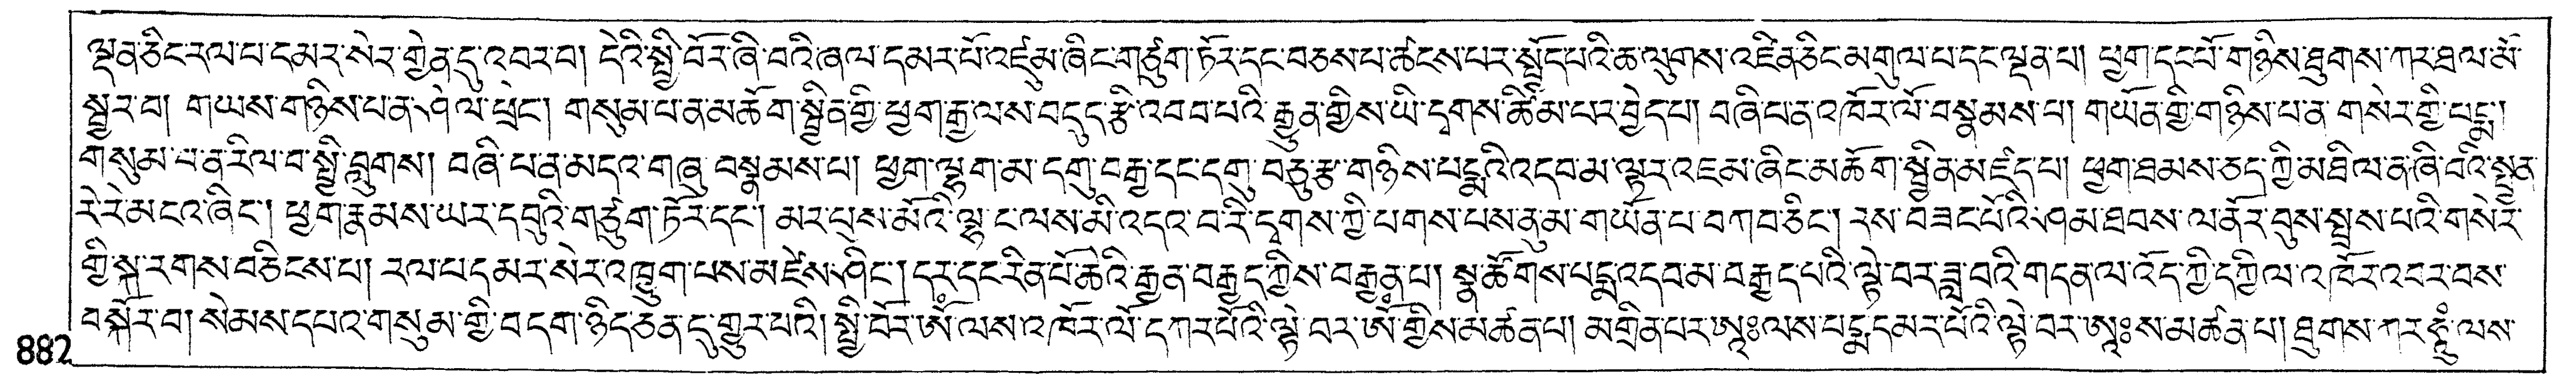ལྡན་ཅིང་རལ་པ་དམར་སེར་གྱེན་དུ་འབར་བ། དེའི་སྤྱི་བོར་ཞི་བའི་ཞལ་དམར་པོ་འཛུམ་ཞིང་གཙུག་ཏོར་དང་བཅས་པ་ཚངས་པར་སྤྱོད་པའི་ཆ་ལུགས་འཛིན་ཅིང་མགུལ་པ་དང་ལྡན་པ། ཕྱག་དང་པོ་གཉིས་ཐུགས་ཀར་ཐལ་མོ་
སྦྱར་བ། གཡས་གཉིས་པ་ན་ཤེལ་ཕྲེང་། གསུམ་པ་ན་མཆོག་སྦྱིན་གྱི་ཕྱག་རྒྱ་ལས་བདུད་རྩི་འབབ་པའི་རྒྱུན་གྱིས་ཡི་དྭགས་ཚིམ་པར་བྱེད་པ། བཞི་པ་ན་འཁོར་ལོ་བསྣམས་པ། གཡོན་གྱི་གཉིས་པ་ན་གསེར་གྱི་པདམ།
གསུམ་པ་ན་རིལ་བ་སྤྱི་བླུགས། བཞི་པ་ན་མདའ་གཞུ་བསྣམས་པ། ཕྱག་ལྷག་མ་དགུ་བརྒྱ་དང་དགུ་བཅུ་རྩ་གཉིས་པདམའི་འདབ་མ་ལྟར་འཇམ་ཞིང་མཆོག་སྦྱིན་མཛད་པ། ཕྱག་ཐམས་ཅད་ཀྱི་མཐིལ་ན་ཞི་བའི་སྤྱན་
རེ་རེ་མངའ་ཞིང་། ཕྱག་རྣམས་ཡར་དབུའི་གཙུག་ཏོར་དང་། མར་པུས་མོའི་ལྷ་ང་ལས་མི་འདའ་བ་རི་དྭགས་ཀྱི་པགས་པས་ནུ་མ་གཡོན་པ་བཀབ་ཅིང་། རས་བཟང་པོའི་ཤམ་ཐབས་ལ་ནོར་བུས་སྤྲས་པའི་གསེར་
གྱི་སྐ་རགས་བཅིངས་པ། རལ་པ་དམར་སེར་འཁྱུག་པས་མཛེས་ཤིང་། དར་དང་རིན་པོ་ཆེའི་རྒྱན་བརྒྱད་ཀྱིས་བརྒྱན་པ། སྣ་ཚོགས་པདམ་འདབ་མ་བརྒྱད་པའི་ལྟེ་བར་ཟླ་བའི་གདན་ལ་འོད་ཀྱི་དཀྱིལ་འཁོར་འབར་བས་
བསྐོར་བ། སེམས་དཔའ་གསུམ་གྱི་བདག་ཉིད་ཅན་དུ་གྱུར་པའི། སྤྱི་བོར་ཨོཾ་ལས་འཁོར་ལོ་དཀར་པོའི་ལྟེ་བར་ཨོཾ་གྱིས་མཚན་པ། མགྲིན་པར་ཨཱཿ ལས་པདམ་དམར་པོའི་ལྟེ་བར་ཨཱཿ ས་མཚན་པ། ཐུགས་ཀར་ཧཱུཾ་ལས་